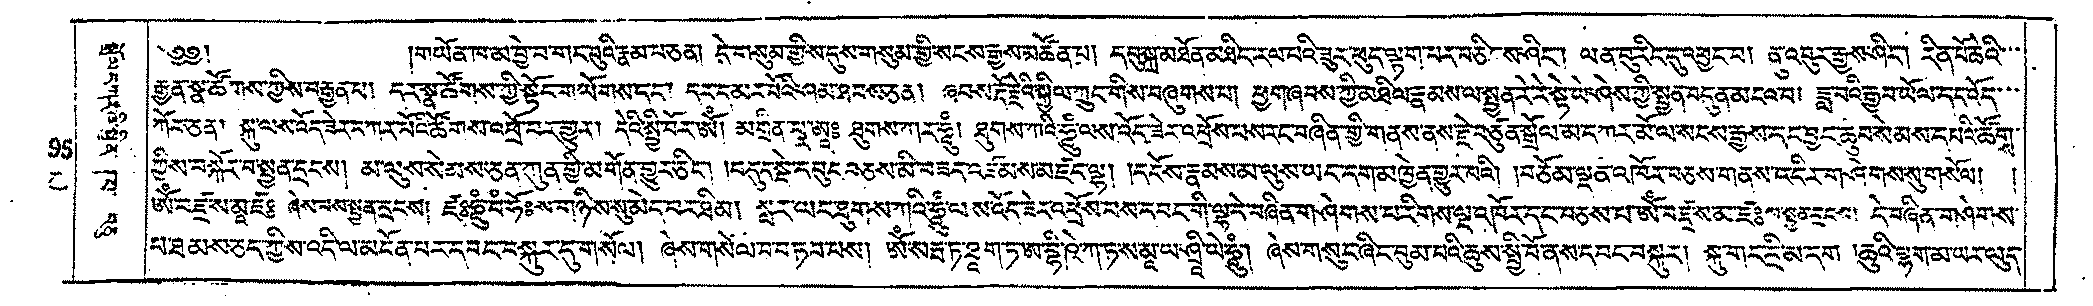༄༅། །གཡོན་ཁ་མ་བྱེ་བ་གང་བུའི་རྣམ་པ་ཅན། དེ་གསུམ་གྱིས་དུས་གསུམ་གྱི་སངས་རྒྱས་མཚོན་པ། དབུ་སྐྲ་མཐོན་མཐིང་རལ་པའི་ཟུར་ཕུད་ལྟག་པར་བཅིབས་ཤིང་། ལན་བུ་རིང་དུ་འཕྱང་བ། ནུ་འབུར་རྒྱས་ཤིང་། རིན་པོ་ཆེའི་་་
རྒྱན་སྣ་ཚོགས་ཀྱིས་བརྒྱན་པ། དར་སྣ་ཚོགས་ཀྱི་སྟོང་གཡོགས་དང་། དར་དམར་པོའི་ཤམ་ཐབས་ཅན། ཞབས་རྡོ་རྗེའི་སྐྱིལ་ཀྲུང་གིས་བཞུགས་པ། ཕྱག་ཞབས་ཀྱི་མཐིལ་རྣམས་ལ་སྤྱན་རེ་རེ་སྟེ་ཡེ་ཤེས་ཀྱི་སྤྱན་བདུན་མངའ་བ། ཟླ་བའི་རྒྱབ་ཡོལ་དང་འོད་་་
ཀོར་ཅན། སྐུ་ལས་འོད་ཟེར་དཀར་པོའི་ཚོགས་འཕྲོ་བར་གྱུར། དེའི་སྤྱི་བོར་ཨོཾ། མགྲིན་པྲ་ཨཱཿ ཐུགས་ཀར་ཧཱུཾ། ཐུགས་ཀའི་ཧཱུཾ་ལས་འོད་ཟེར་འཕྲོས་པས་རང་བཞིན་གྱི་གནས་ནས་རྗེ་བཙུན་སྒྲོལ་མ་དཀར་མོ་ལ་སངས་རྒྱས་དང་བྱང་ཆུབ་སེམས་དཔའི་ཚོགས་
ཀྱིས་བསྐོར་བ་སྤྱན་དྲངས། མ་ལུས་སེམས་ཅན་ཀུན་གྱི་མགོན་གྱུར་ཅིང་། །བདུད་སྡེ་དཔུང་བཅས་མི་བཟད་འཇོམས་མཛད་ལྷ། །དངོས་རྣམས་མ་ལུས་ཡང་དག་མཁྱེན་གྱུར་པའི། །བཅོམ་ལྡན་འཁོར་བཅས་གནས་འདིར་གཤེགས་སུ་གསོལ། །
ཨོཾ་བཛྲ་ས་མཱ་ཛཿ ཞེས་པས་སྤྱན་དྲངས། ཛཿཧཱུཾ་བཾ་ཧོཿ ས་གཉིས་སུ་མེད་པར་ཐིམ། སླར་ཡང་ཐུགས་ཀའི་ཧཱུཾ་ལས་འོད་ཟེར་འཕྲོས་པས་དབང་གི་ལྷ་དེ་བཞིན་གཤེགས་པ་རིགས་ལྔ་འཁོར་དང་བཅས་པ་ཨོཾ་བཛྲ་ས་མ་ཛཿ ས་སྤྱན་དྲངས། དེ་བཞིན་གཤེགས་
པ་ཐམས་ཅད་ཀྱིས་འདི་ལ་མངོན་པར་དབང་བསྐུར་དུ་གསོལ། ཞེས་གསོལ་བ་བཏབ་པས། ཨོཾ་སརྦ་ཏ་ཐཱ་ག་ཏ་ཨ་བྷི་ཥེ་ཀ་ཏ་ས་མཱ་ཡ་ཤྲཱི་ཡེ་ཧཱུཾ། ཞེས་གསུང་ཞིང་བུམ་པའི་ཆུས་སྤྱི་བོ་ནས་དབང་བསྐུར། སྐུ་གང་དྲི་མ་དག །ཆུའི་ལྷག་མ་ཡར་ལུད་